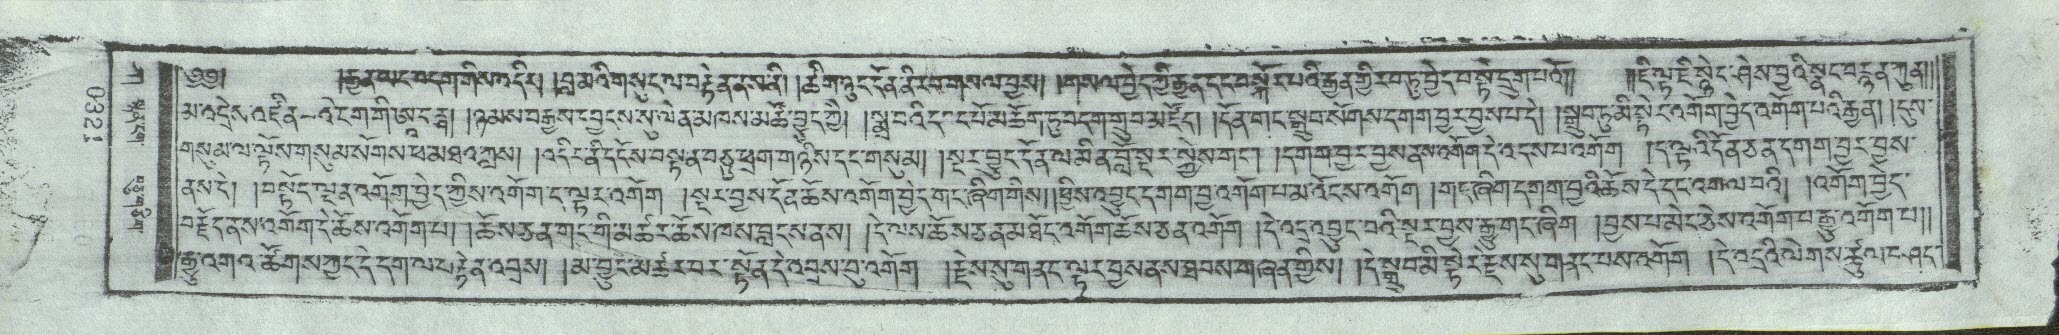༄༅། །རྒྱན་ཡང་བདག་གིས་འདིར། །བླ་མའི་གསུང་ལ་བརྟེན་ནས་ནི། །ཚིག་ཉུང་དོན་ནི་རབ་གསལ་བྱས། །གསལ་བྱེད་ཀྱི་རྒྱན་དང་བསྐོར་བའི་རྒྱན་གྱི་རབ་ཏུ་བྱེད་བ་སྟེ་དྲུག་པའོ།། །།ཇི་ལྟ་ཇི་སྙེང་ཤེས་བྱའི་སྣང་བརྙན་ཀུན?། །
མ་འདྲེས་འཛིན་པའི་ངང་གི་ཨཱ་དརྴ། །ཉམས་བརྒྱས་དབྱངས་སུ་ལེན་མཁས་མཚོ་བྱུང་ཀྱཻ། །སྨྲ་བའི་དབང་པོ་མཆོག་ཏུ་བདག་གྲུབ་མཛོད། །དོན་གང་སྒྲུབ་སོགས་དགག་བྱར་བྱས་པ་དེ། །སྒྲུབ་ཏུ་མི་སྟེར་འགོག་བྱེད་འགོག་པའི་རྒྱན། །དུལ་
གསུམ་ལ་ལྟོས་གསུམ་སོགས་ཕ་མཐའ་གླས། །འདིར་ནི་དངོས་བསྟན་བཅུ་ཕྲག་གཉིས་དང་གསུམ། །སྔར་བྱུང་དོན་ལ་མིན་བློ་སྔར་སྐྱེས་གང་། །དགག་བྱར་བྱས་ནས་འགོག་དེ་འདས་པ་འགོག །ད་ལྟའི་དོན་ཅན་དགག་བྱར་བྱས་
ནས་དེ། །བསྟོད་ལྡན་འགོག་བྱེད་ཀྱིས་འགོག་ད་ལྟར་འགོག །སྔར་བྱས་དོན་ཆོས་འགོག་བྱེད་གང་ཞིག་གིས། །ཕྱིས་འབྱུང་དགག་བྱ་འགོག་པ་མ་འོངས་འགོག། །གང་ཞིག་དགག་བྱའི་ཆོས་དེ་དང་འགལ་བའི། །འགོག་བྱེང་
བརྗོད་ནས་འགོག་དེ་ཆོས་འགོག་པ། །ཆོས་ཅན་གང་གི་མཚར་ཆོས་ཁས་བླངས་ནས། །དེ་ལས་ཆོས་ཅན་མཐོང་འགོག་ཆོས་ཅན་འགོག །དེ་འདྲ་འབྱུང་བའི་སྔར་བྱས་རྒྱུ་གང་ཞིག །བྱས་པ་མེད་ཅེས་འགོག་པ་བརྒྱུ་འགོག་པ། །
རྒྱུ་འགའ་ཚོགས་ཀྱང་དེ་དག་ལ་བརྟེན་འབྲས། །མ་བྱུང་མཚར་བར་སྟོན་དེ་འབྲས་བུ་འགོག །རྗེས་སུ་གནང་ལྟར་བྱས་ནས་ཐབས་གཞན་གྱིས། །དེ་སྒྲུབ་མི་སྟེར་རྗེས་སུ་གནང་བས་འགོག །དེ་འདྲའི་ལེགས་ཚུལ་བཤད?